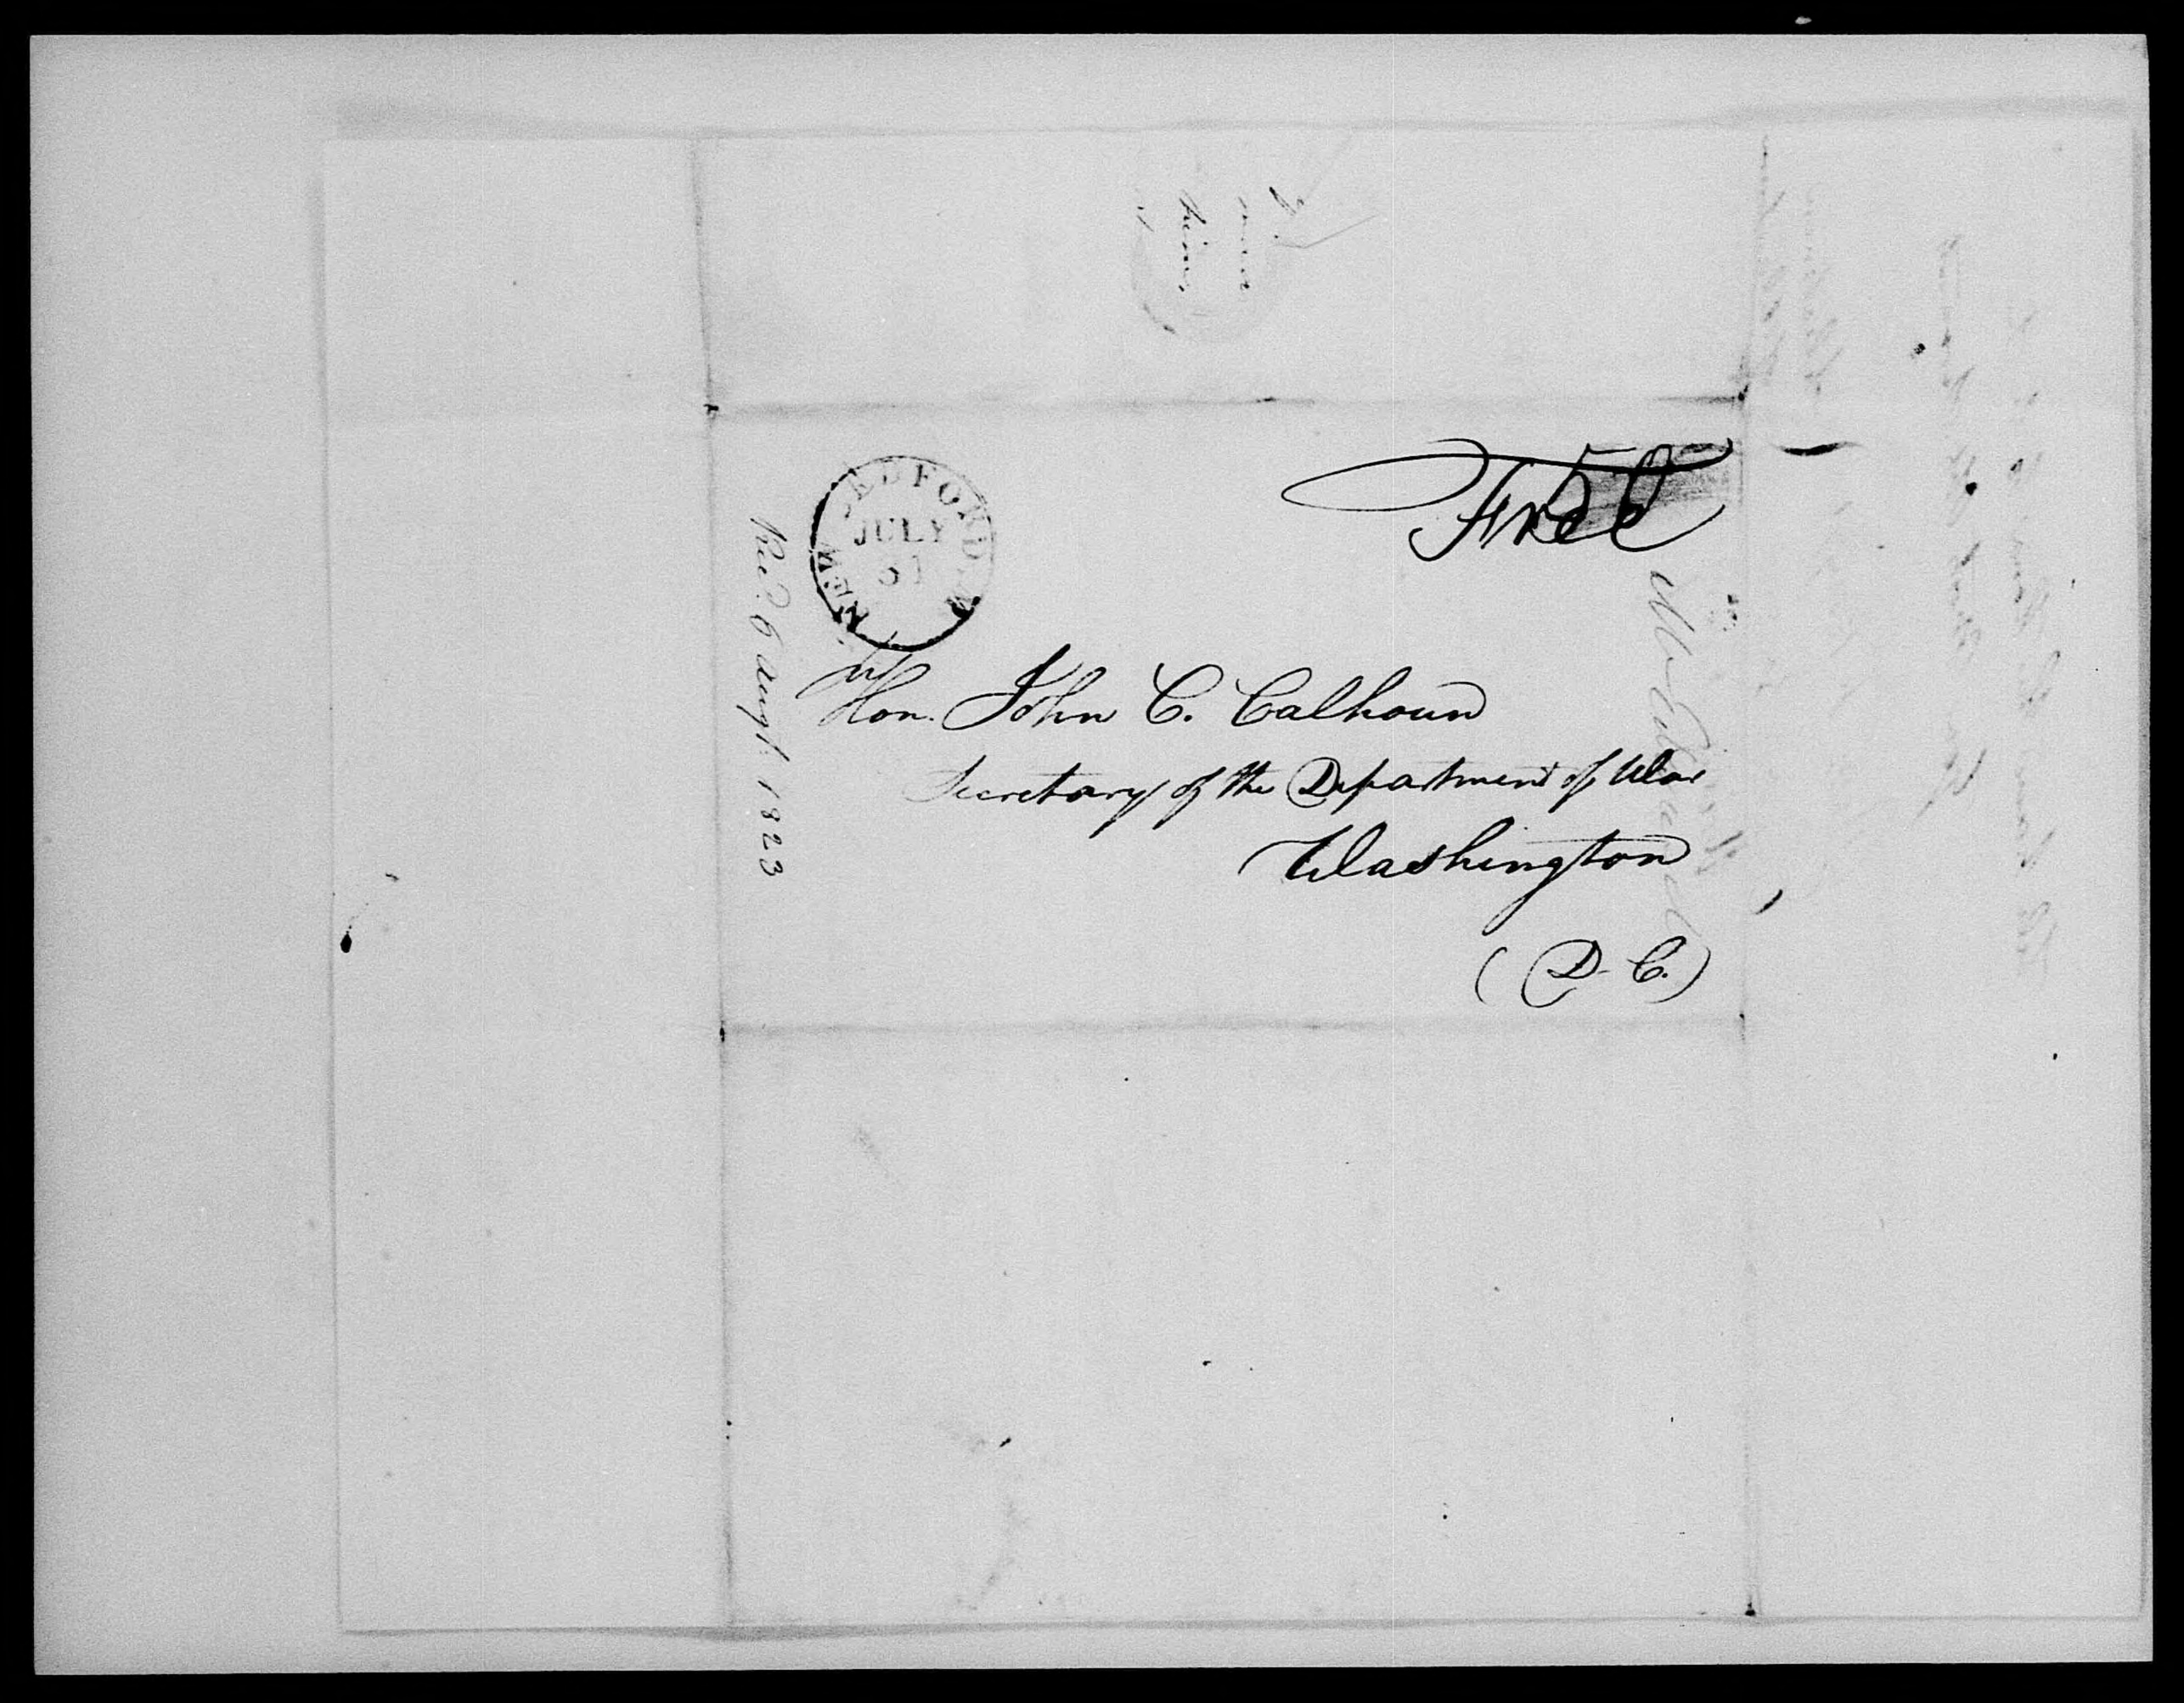Rec 6 Augst 1823
FREE
Hon. John C. Calhoun
Secretary of the Department of War
Washington  ( D.C.)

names: John C Calhoun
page: 38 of 82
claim: widow's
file: W. 13,634, for Rufus Lincoln, Massachusetts